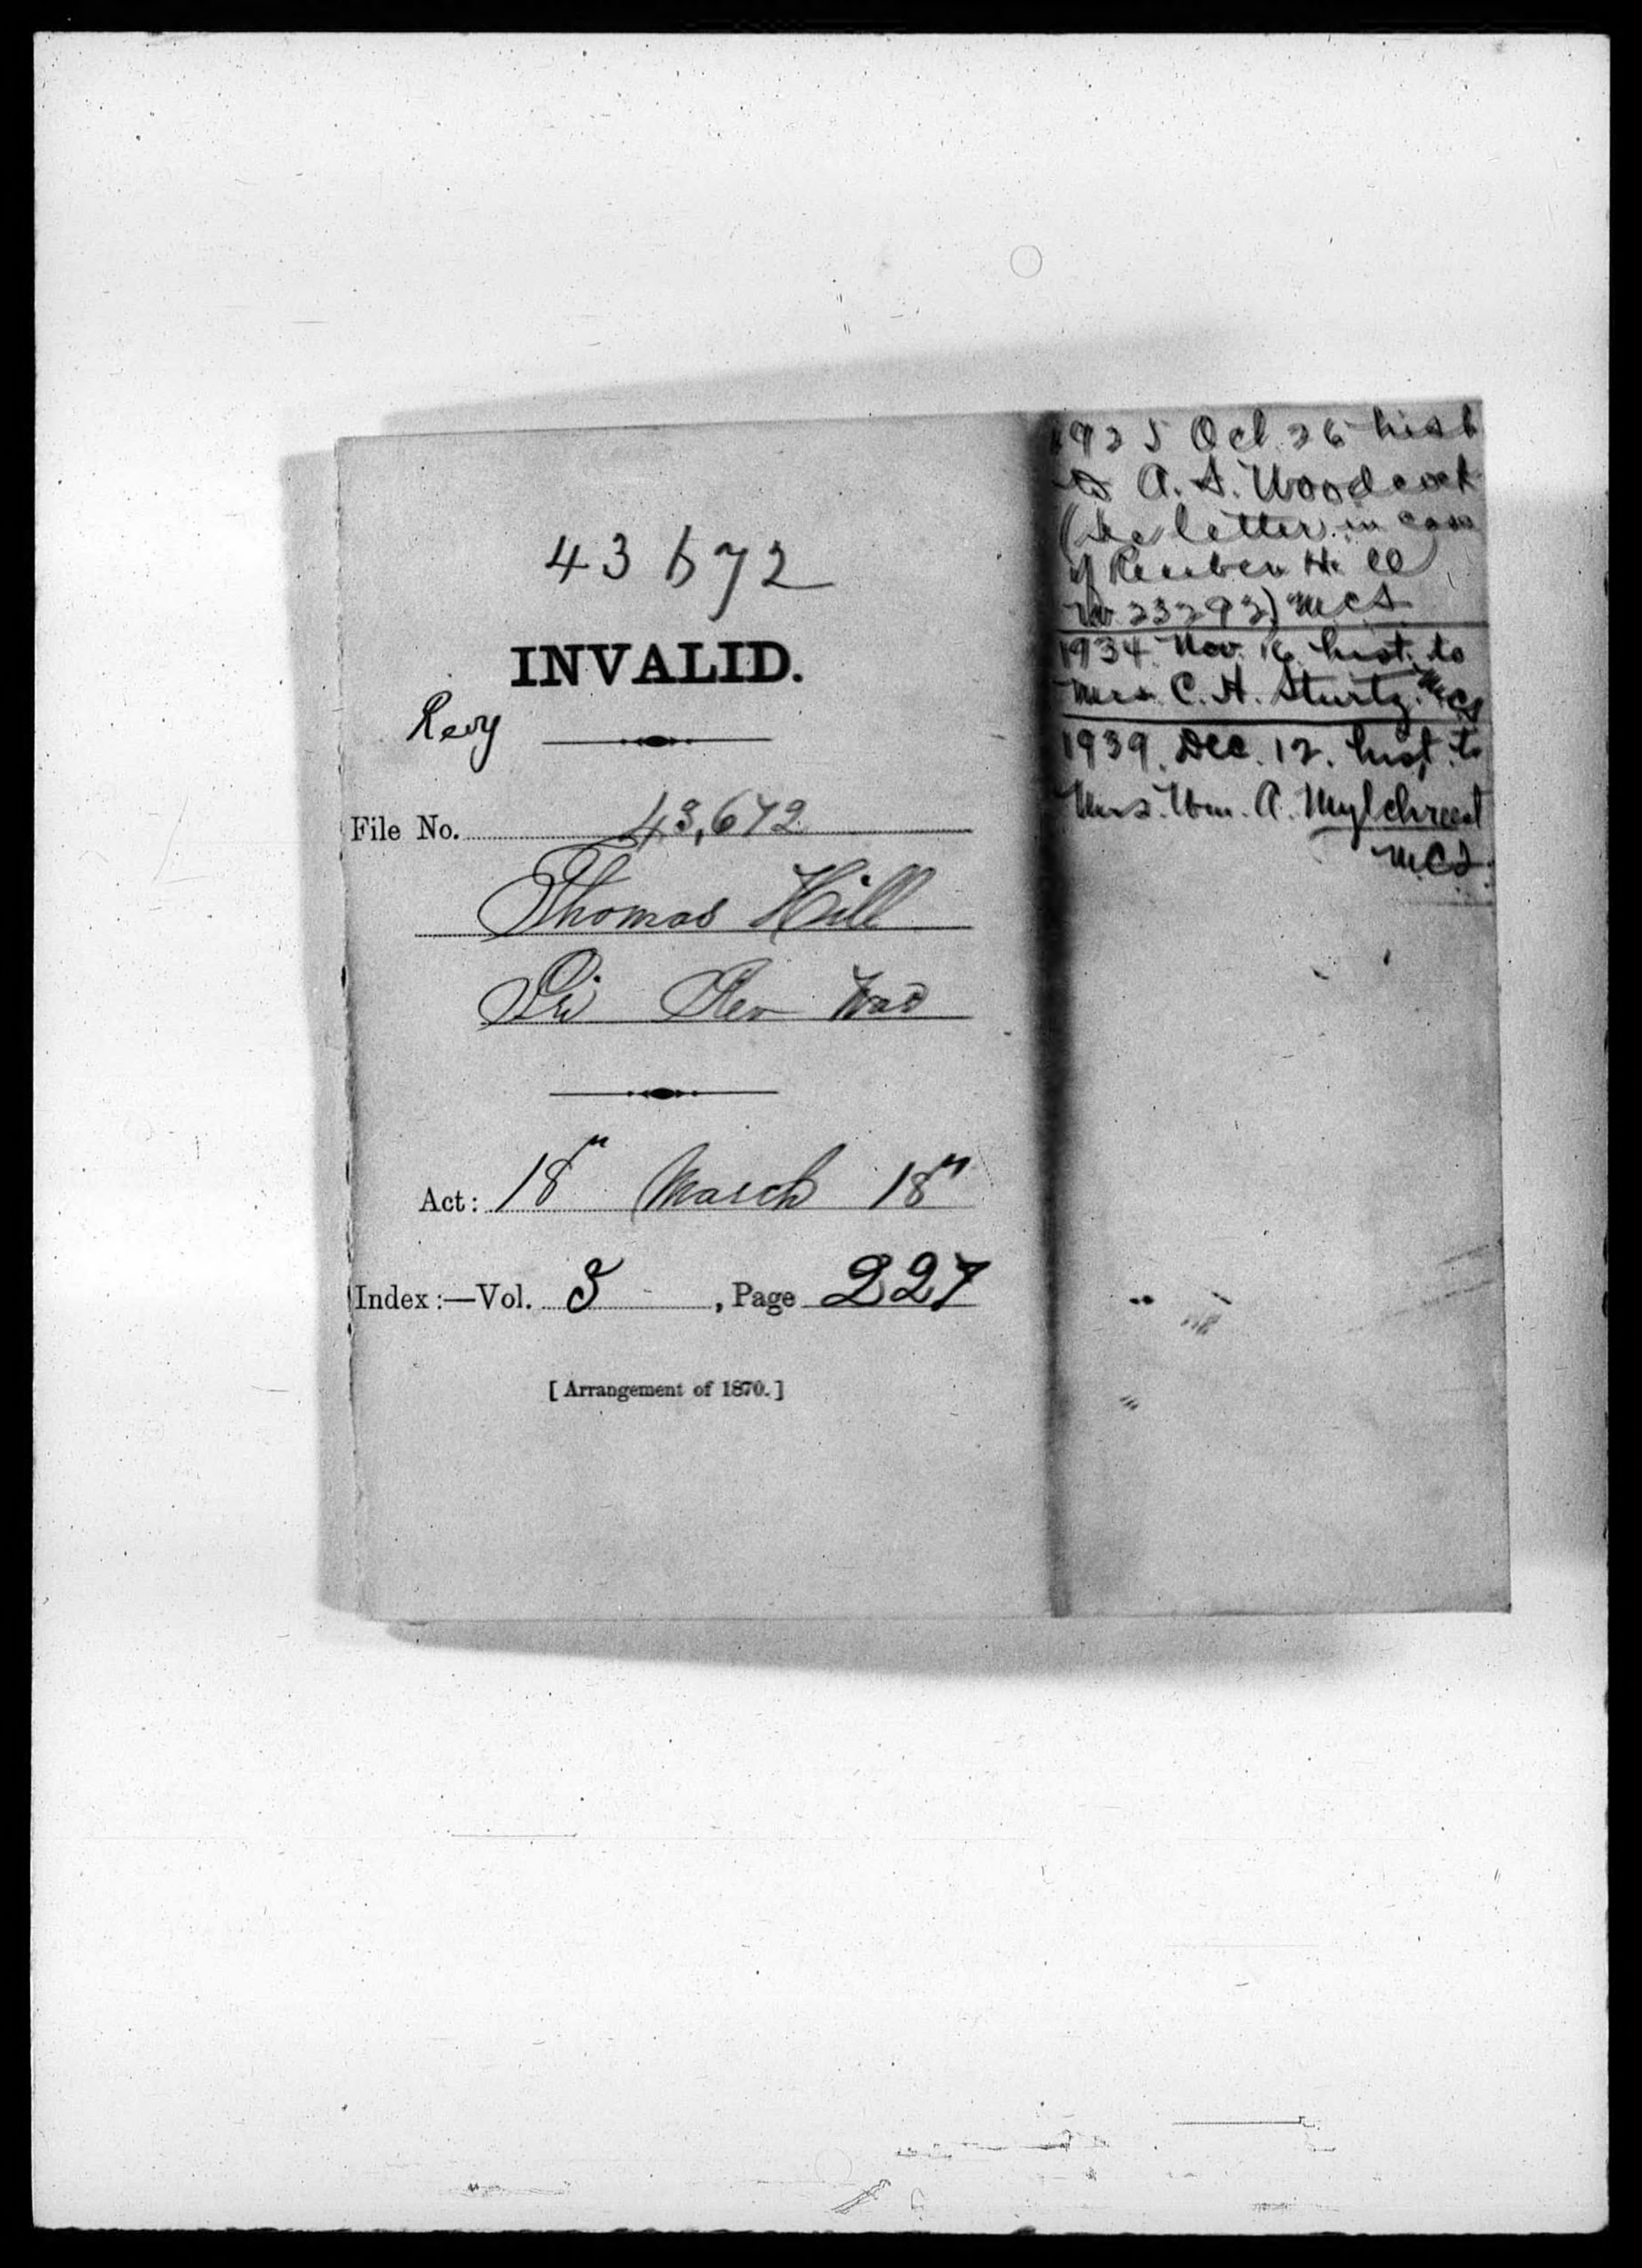[handwritten] 43672
[typed] INVALID.
[handwritten] Revy
[typed] File No. [handwritten] 43672
Thomas Hill
Pri Rev War
[typed] Act: [handwritten] 18 March 18
[typed] Index:-Vol. [handwritten] S [?][typed], Page [handwritten] 227
[typed] Arrangement of 1870.
[handwritten on right hand side] 
1925 Oct 26 hist to A. S. Woodcock (see letter in case of Reuben Hill No. 23292) MCS
[underline]
1934 Nov 16 his to Mrs. C. H. Sturtz MCS
[underline]
1939 Dec. 12 hist to Mrs. Thom. A. Mylchreest MCS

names: A S Woodcock, Wm A Mylchreest, C H Sturtz, Thomas Hill, Reuben Hill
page: 22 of 31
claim: survivor's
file: S. 43672, Thomas Hill, New York